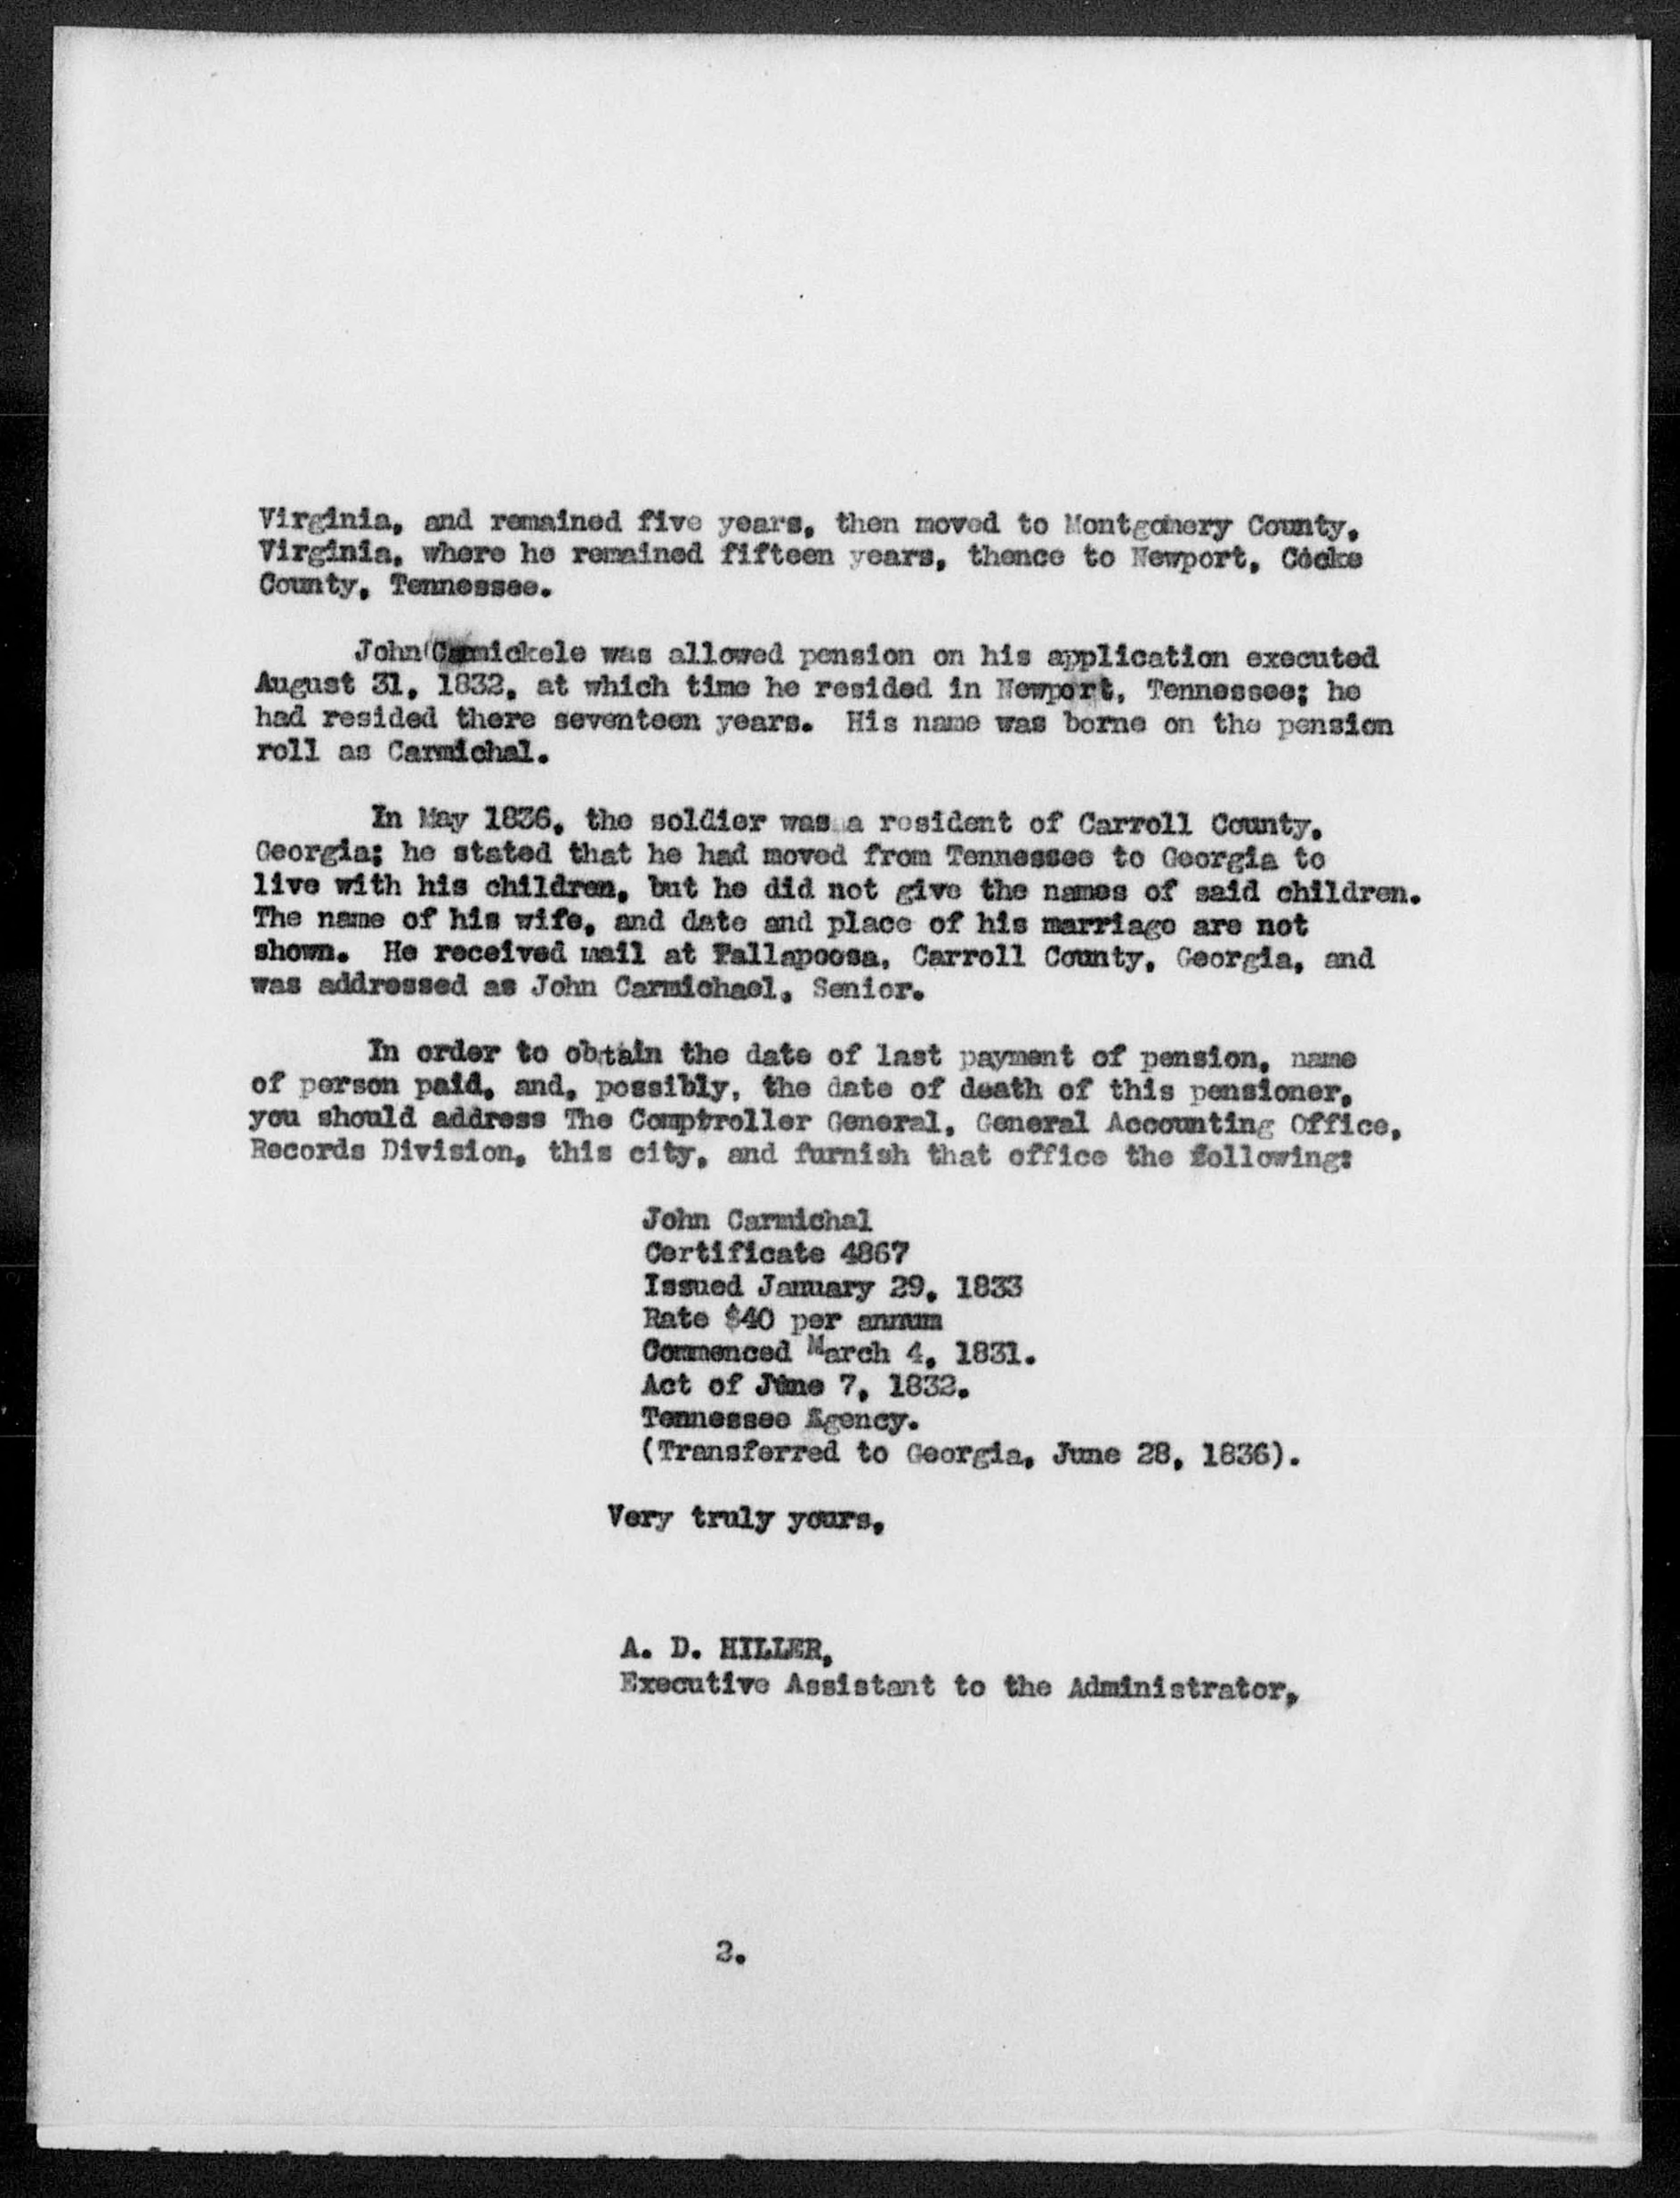Virginia, and remained five years, then moved to Montgomery County, Virginia, where he remained fifteen years, thence to Newport, Cocke County, Tennessee.
John Carmickele was allowed pension on his application executed August 31, 1832, at which time he resided in Newport, Tennessee; he
had resided there seventeen years. His name was borne on the pension roll as Carmichal.
In May 1836, the soldier was a resident of Carroll County, Georgia; he stated that he had moved from Tennessee to Georgia to live with his children, but he did not give the names of said children. The name of his wife, and date and place of his marriage are not shown. He received mail at Tallapoosa, Carroll County, Georgia, and was addressed as John Carmichael, Senior.
In order to obtain the date of last payment of pension, name of person paid, and, possibly, the date of death of this pensioner, you should address The Comptroller General, General Accounting Office, Records Division, this city, and furnish that office the following:
John Carmichal
Certificate 4867
Issued January 29, 1833
Rate $40 per annum
Commenced March 4, 1831.
Act of June 7, 1832.
Tennessee Agency.
(Transferred to Georgia, June 28, 1836).
Very truly yours,
A. D. HILLER,
Executive Assistant to the Administrator.

2.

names: A D Hiller, John Carmickele, John Carmichal, John Carmichael, Carmichal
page: 41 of 42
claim: survivor's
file: S. 31,595, John Carmickele, Penn.